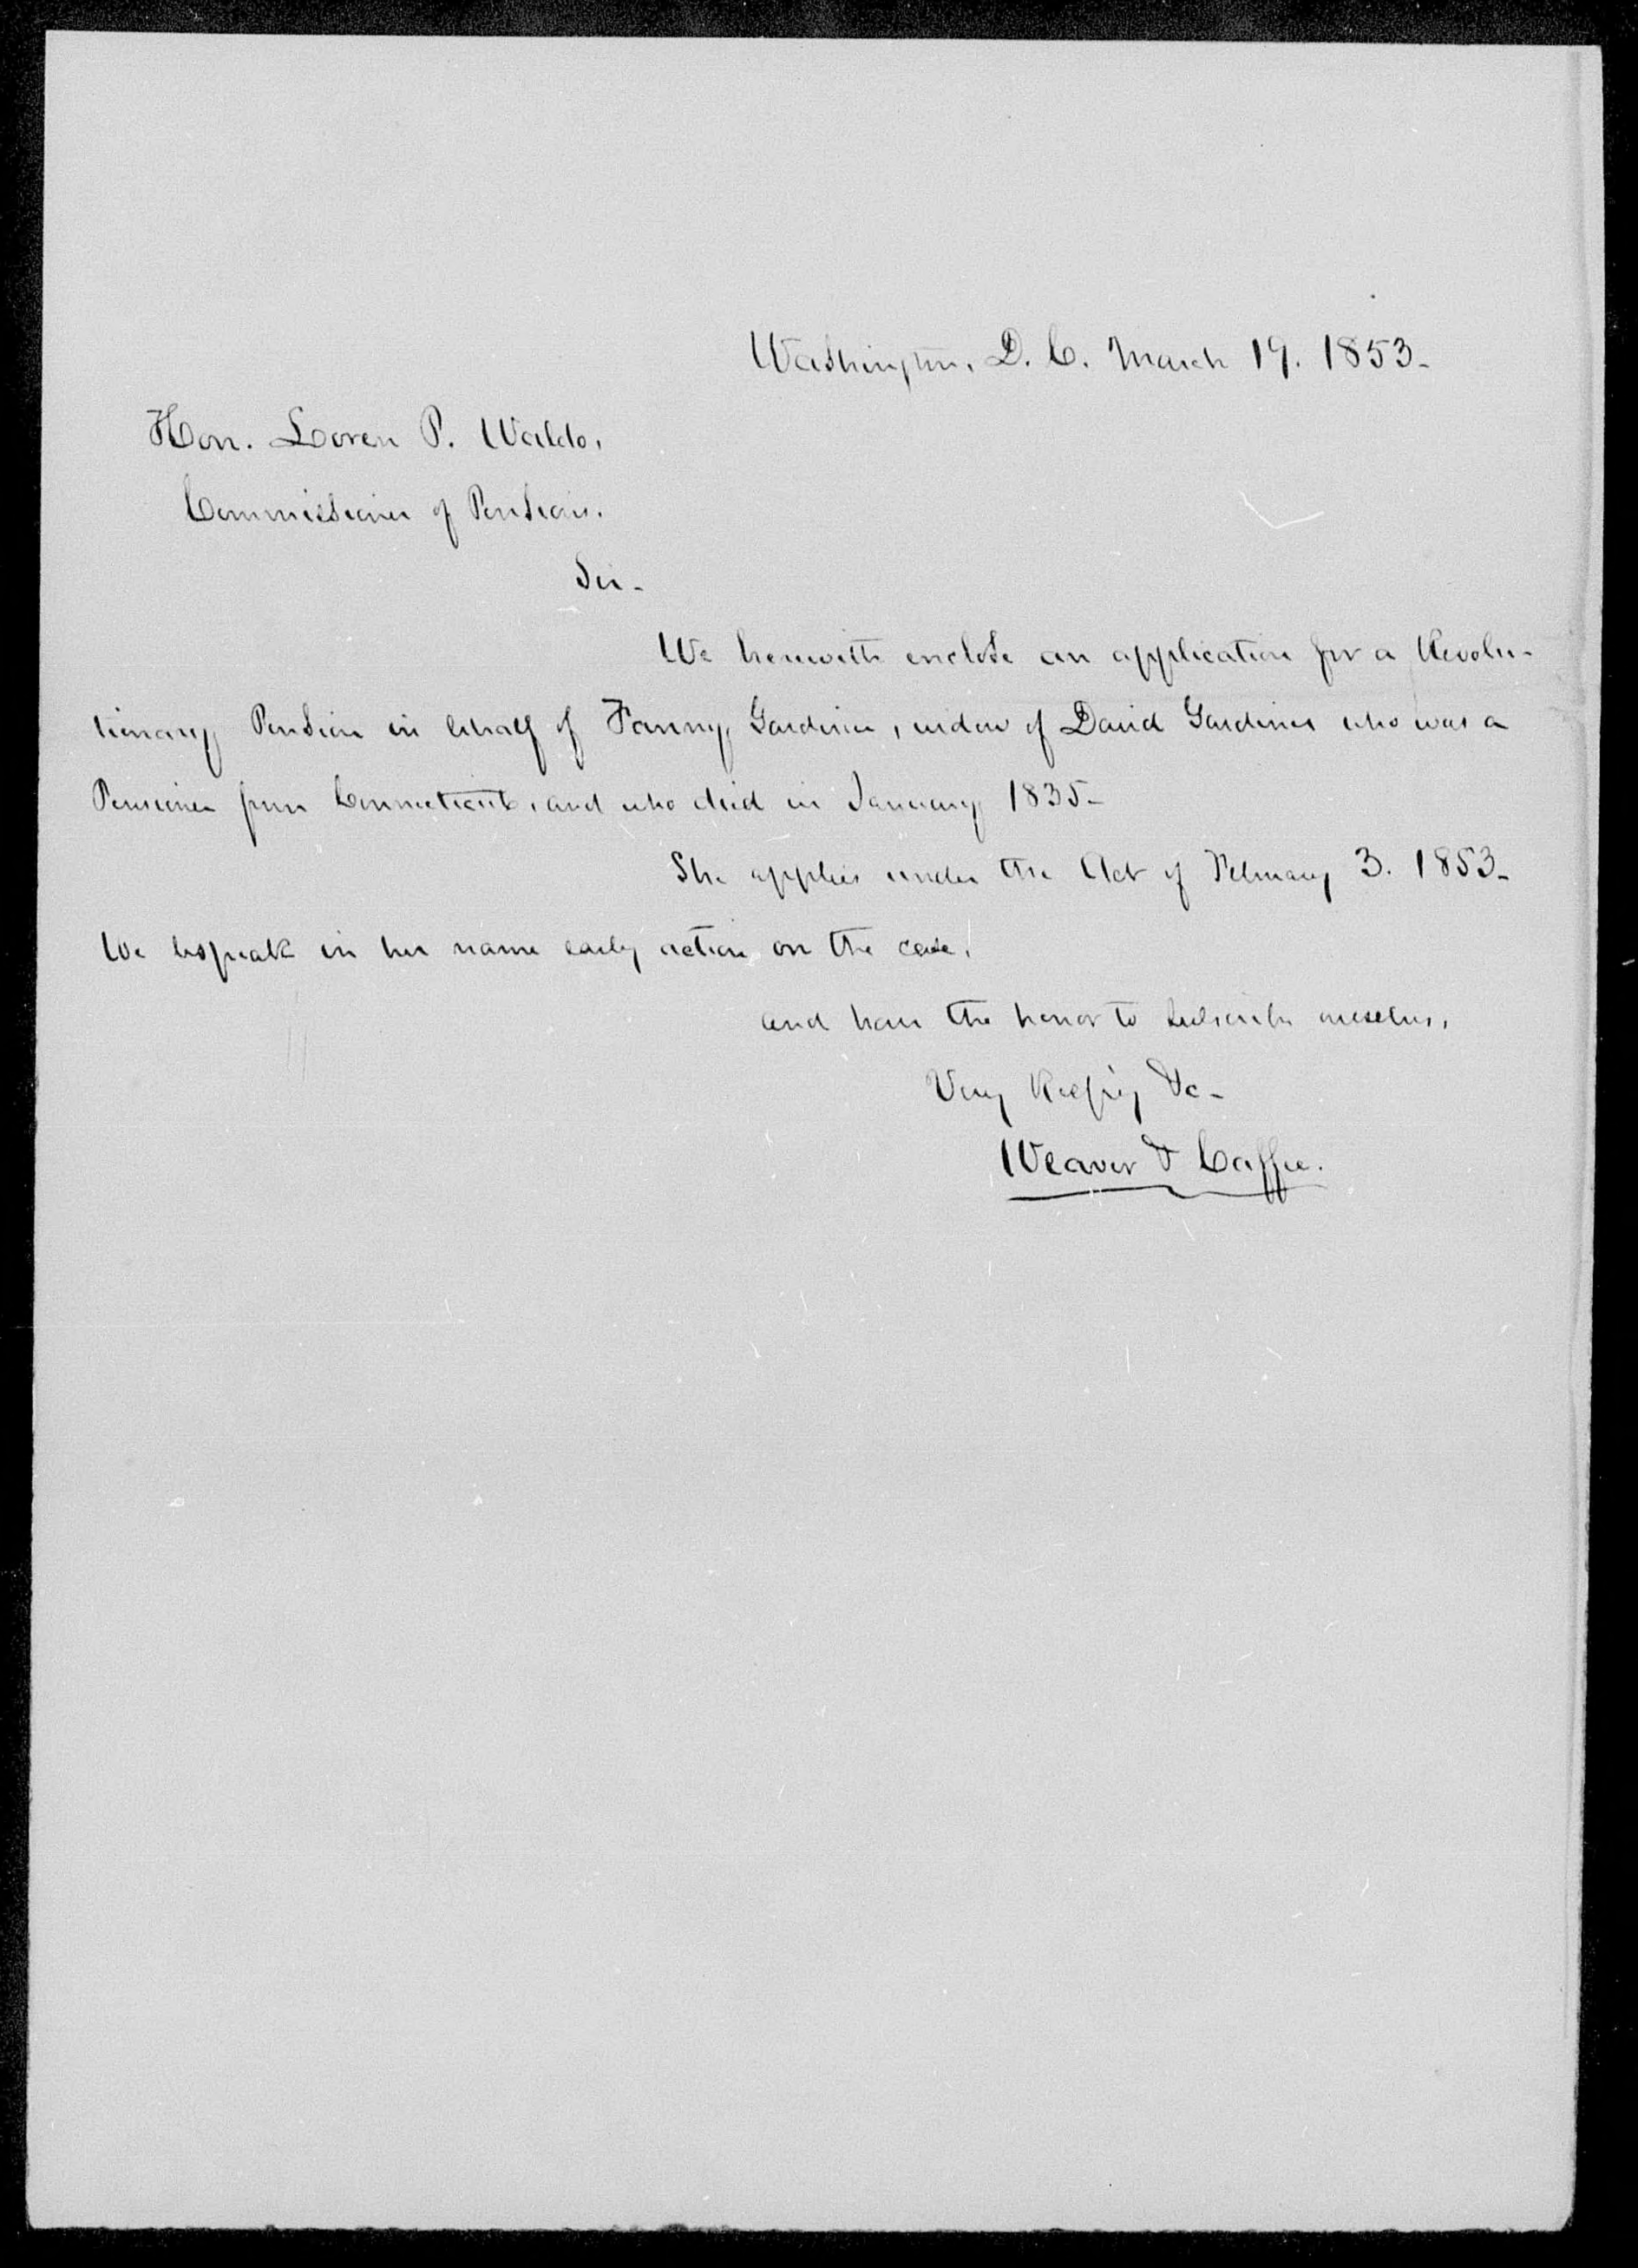Washington, D.C. March 19, 1853
Hon. Loren  P. Waldo
Commissioner of Pensions

Sir-

We herewith include an application for a Revolutionary Pension on behalf of Fanny Gardiner, wife of David Gardiner who was a pensioner from Connecticut, and who died in January 1835.

She applies under the Act of February 3, 1853.

We bespeak in her name early return on the case.

and have the honor to [illegible]

Very Resp'y &c
Weaver  & Caffee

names: Loven P Waldo, Fanny Gardiner, Caffee, David Gardiner, Weaver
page: 56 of 66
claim: widow's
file: W 1850, David Gardner, Conn.